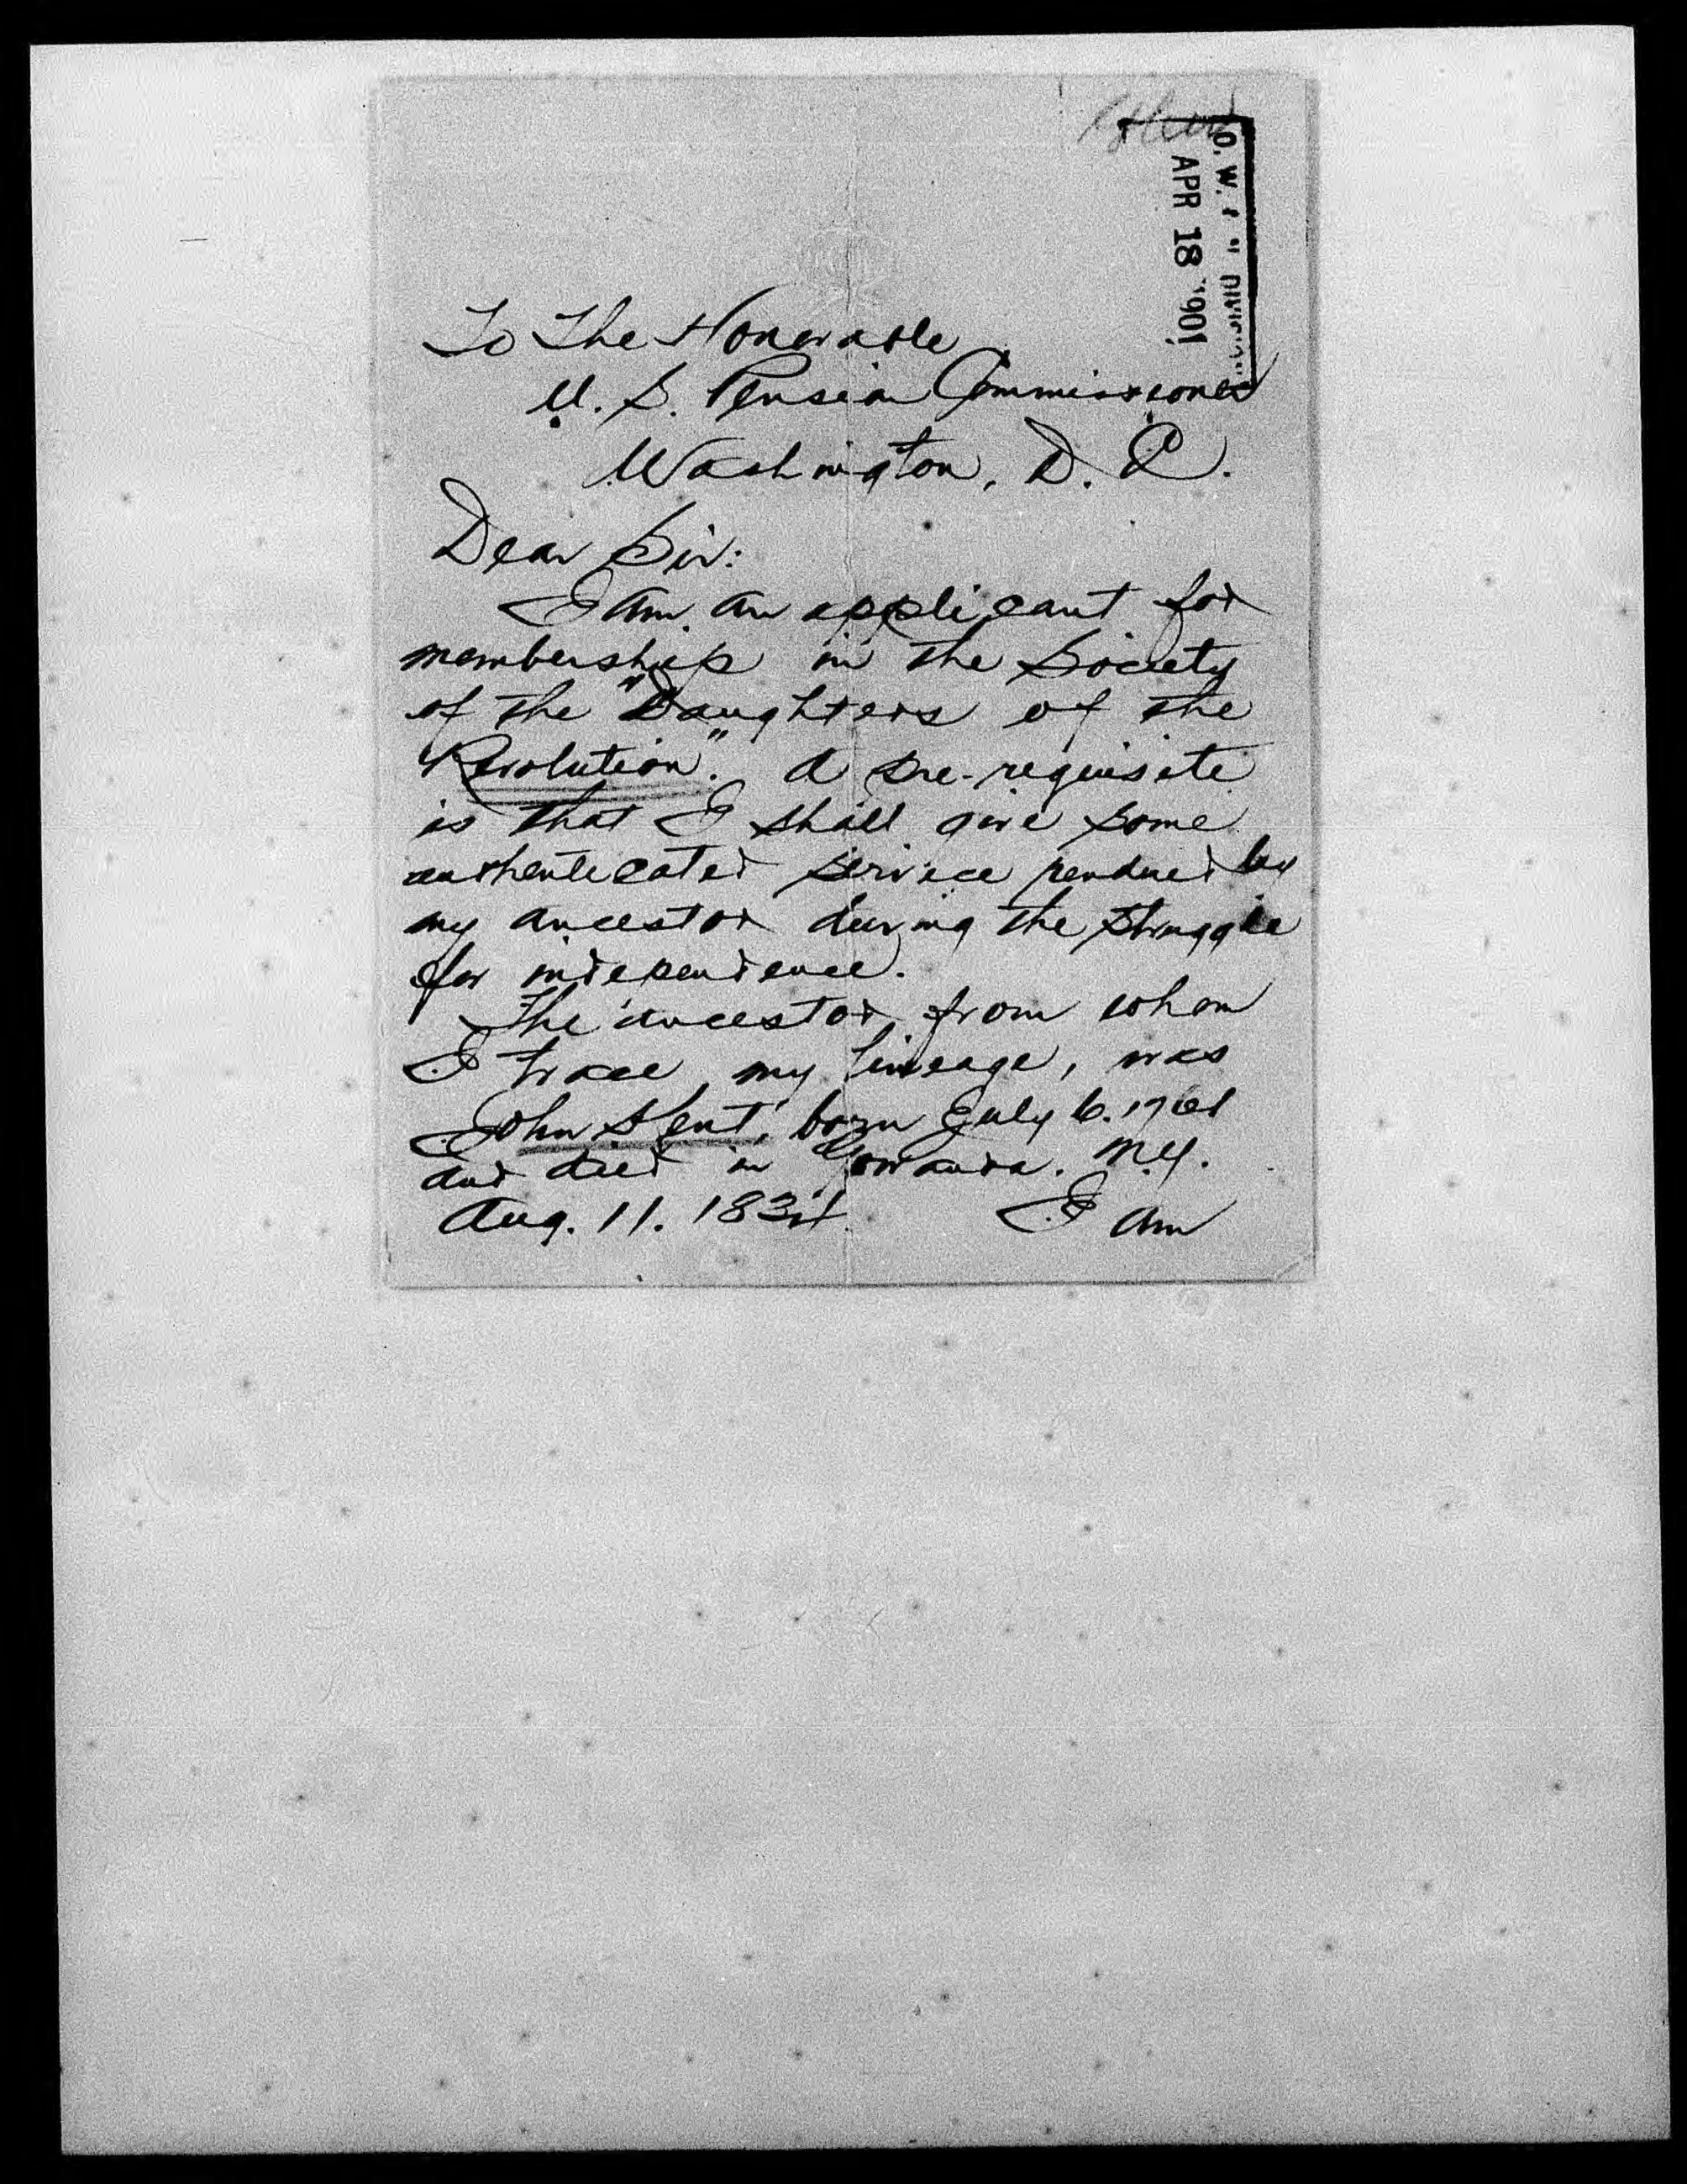Stamp mark:
O. W. [illegible] DIVISION
Apr 18 1901

To the Honorable
U. S. Pension Commissioner
Washington, D. C.

Dear Sir:
I am an applicant for membership in the Society of the "Daughters of the Revolution." A pre-requisite is that I shall give some authenticated service rendered by an ancestor during the struggle for independence.
The ancestor from whom I trace my linage, was John Kent; born July 6. 1761 and died in [illegible] N. Y. Aug. 11. 1834
I am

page: 20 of 50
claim: widow's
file: W. 4253, for John Kent, Vermont